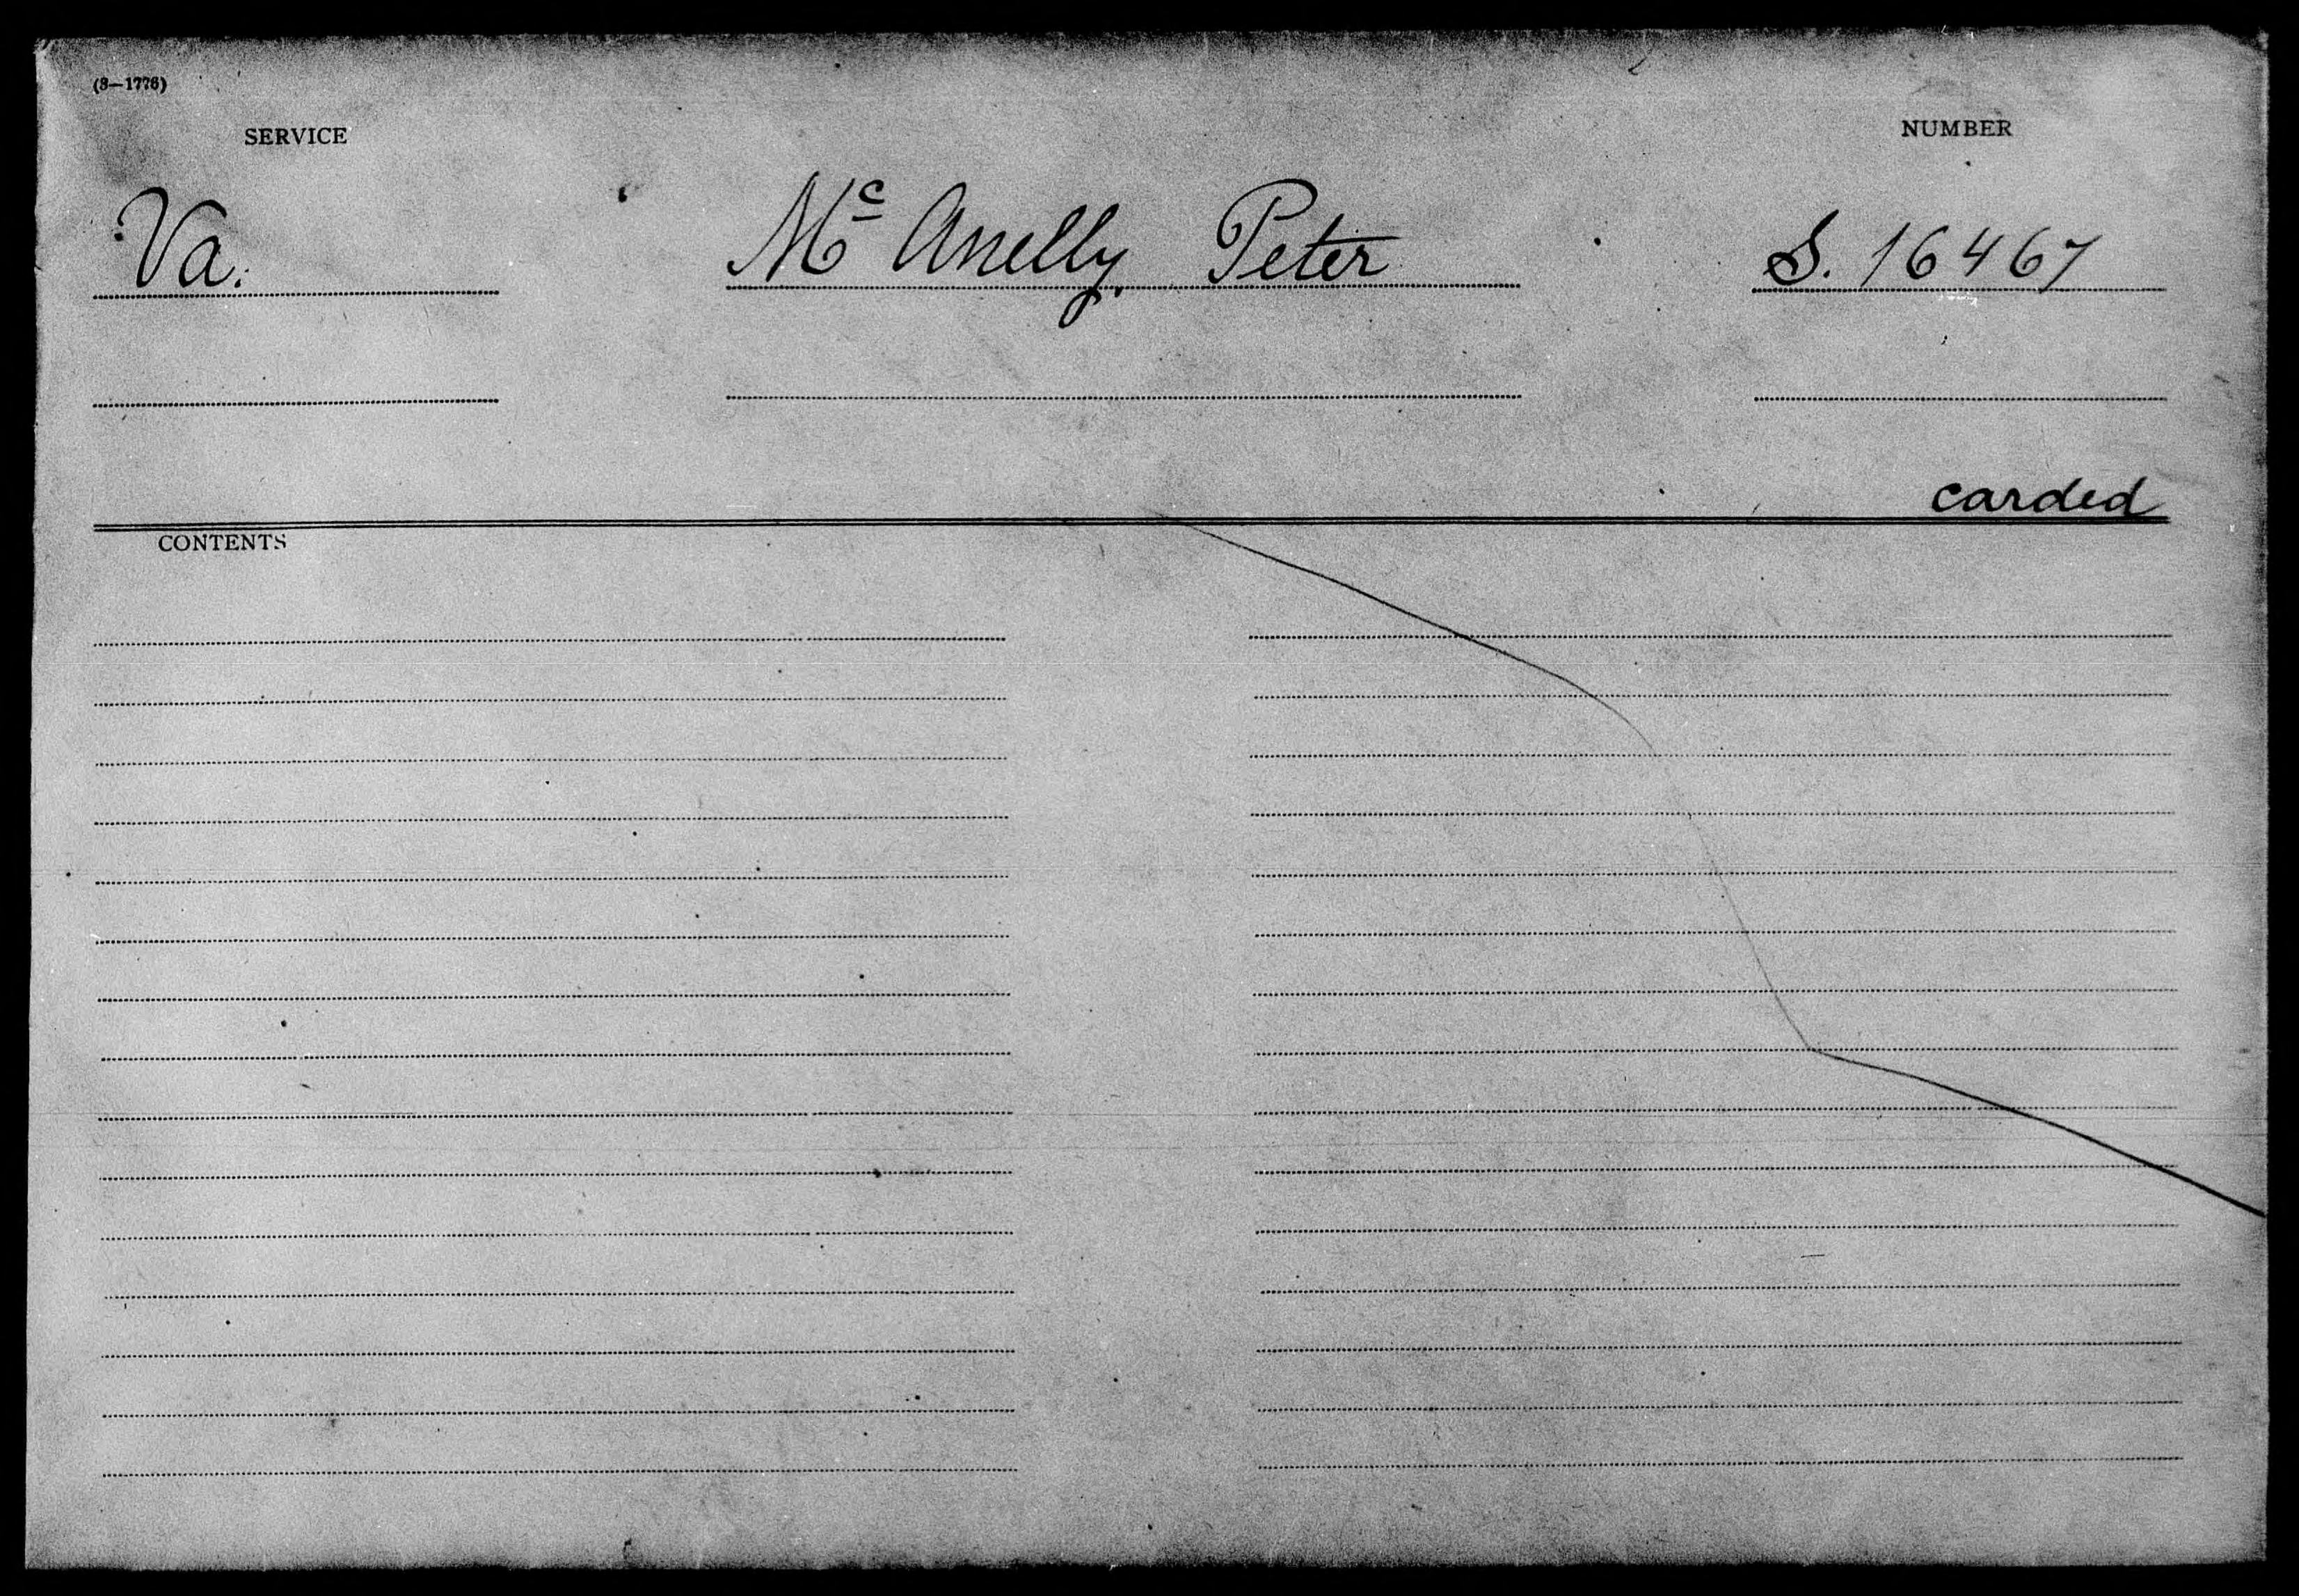(3-1776)

SERVICE
Va.

McAnelly, Peter

NUMBER
S. 15467
carded

CONTENTS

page: 1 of 19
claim: survivor's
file: S. 16467, for Peter Mc Anelly, Virginia